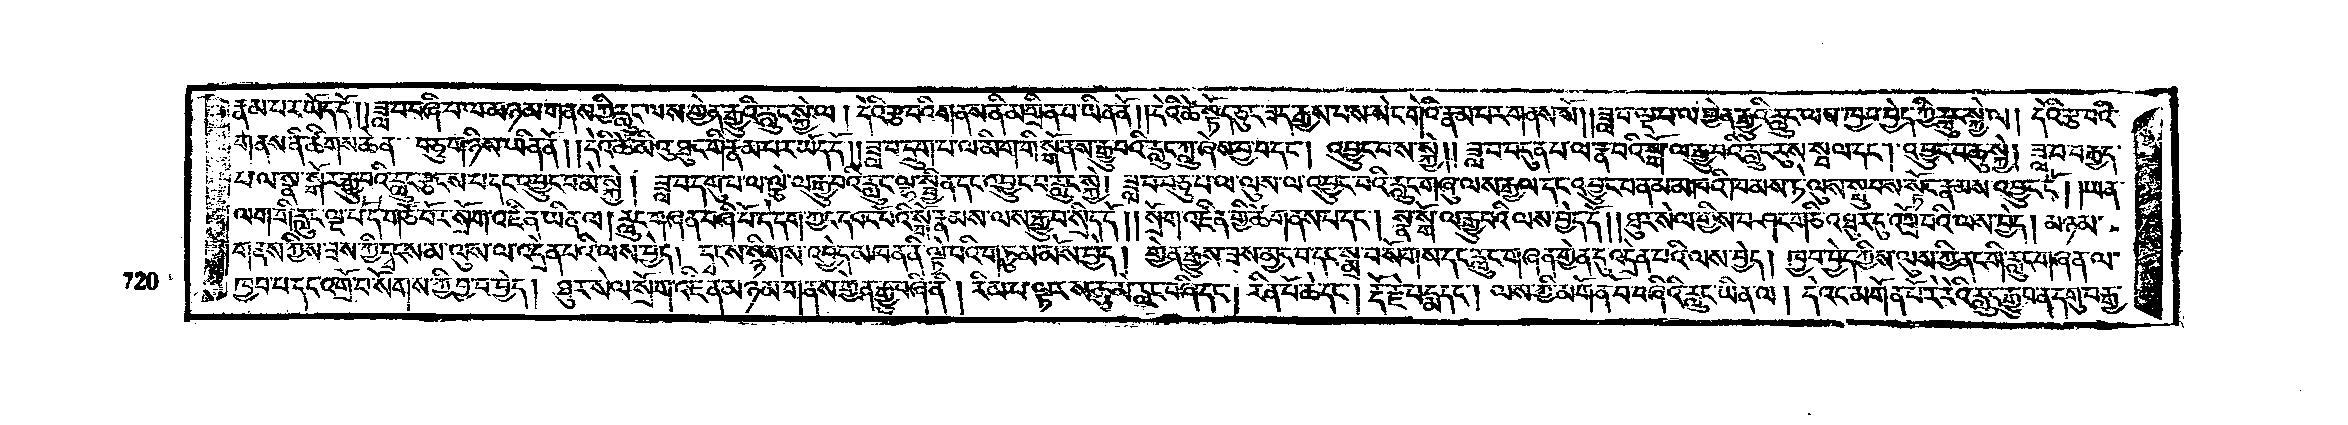རྣམ་པར་ཡོད་དོ། །ཟླ་བ་བཞི་པ་ལ་མཉམ་གནས་ཀྱི་རླུང་ལས་གྱེན་རྒྱུའི་རླུང་སྐྱེ་ལ། དེའི་རྩ་བའི་གནས་ནི་མགྲིན་པ་ཡིན་ནོ། །དེའི་ཚེ་སྟོད་ཅུང་ཟད་རྒྱས་པས་སེང་གེའི་རྣམ་པར་གནས་སོ། །ཟླ་བ་ལྔ་པ་ལ་གྱེན་རྒྱུའི་རླུང་ལས་ཁྱབ་བྱེད་ཀྱི་རླུང་སྐྱེ་ལ། དེའི་རྩ་བའི་
གནས་ནི་ཚིགས་ཆེན་བཅུ་གཉིས་ཡིན་ནོ། །དེའི་ཚེ་མིའུ་ཐུང་གི་རྣམ་པར་ཡོད་དོ། །ཟླ་བ་དྲུག་པ་ལ་མིག་གི་སྒོ་ནས་རྒྱུ་བའི་རླུང་ཀླུ་ཞེས་བྱ་བ་དང་། འབྱུང་བ་ས་སྐྱེ། །ཟླ་བ་བདུན་པ་ལ་རྣ་བའི་སྒོ་ལ་རྒྱུ་བའི་རླུང་རུས་སྦལ་དང་། འབྱུང་བ་ཆུ་སྐྱེ། ཟླ་བ་བརྒྱད་
པ་ལ་སྣ་སྒོར་རྒྱུ་བའི་རླུང་རྩངས་པ་དང་འབྱུང་བ་མེ་སྐྱེ། ཟླ་བ་དགུ་པ་ལ་ལྕེ་ལ་རྒྱུ་བའི་རླུང་ལྷ་སྦྱིན་དང་འབྱུང་བ་རླུང་སྐྱེ། ཟླ་བ་བཅུ་པ་ལ་ལུས་ལ་འབྱུང་བའི་རླུང་གཞུ་ལས་རྒྱལ་དང་འབྱུང་བ་ནམ་མཁའི་ཁམས་ཏེ་ལུས་སྦུབས་སྟོང་རྣམས་འབྱུང་ངོ། །ཡན་
ལག་གི་རླུང་ལྔ་པོ་དེ་གཙོ་བོར་སྲོག་འཛིན་ཡིན་ལ། རླུང་གཞན་བཞི་པོ་དེ་དག་ཀྱང་དབང་པོའི་སྒོ་རྣམས་ལས་རྒྱུ་བ་སྲིད་དོ། །སྲོག་འཛིན་གྱི་ཚེ་གནས་པ་དང་། སྣ་སྒོ་ལ་རྒྱུ་བའི་ལས་བྱེད་དོ། །ཐུར་སེལ་གྱིས་བཤད་གཅི་འཐུར་དུ་འགྲོ་བའི་ལས་བྱེད། མཉམ་
གནས་ཀྱིས་ཟས་ཀྱི་དྭངས་མ་ལུས་ལ་འདྲེན་པའི་ལས་བྱེད། དྭངས་སྙིགས་འབྱེད་མཁན་ནི་ལྟེ་བའི་གཏུམ་མོས་བྱེད། གྱེན་རྒྱུས་ཟས་མྱང་བ་དང་སྨྲ་བ་སོགས་དང་རླུང་གཞན་གྱེན་དུ་འདྲེན་པའི་ལས་བྱེད། ཁྱབ་བྱེད་ཀྱིས་ལུས་ཀྱི་ནང་གི་རླུང་གཞན་ལ་
ཁྱབ་པ་དང་འགྲོ་བ་སོགས་ཀྱི་བྱ་བ་བྱེད། ཐུར་སེལ་སྲོག་འཛིན་མཉམ་གནས་གྱེན་རྒྱུ་བཞི་ནི། རིམ་པ་ལྟར་ས་ཆུ་མེ་རླུང་བཞི་དང་། རིན་པོ་ཆེ་དང་། རྡོ་རྗེ་པདམ་དང་། ལས་ཀྱི་མགོན་པོ་བཞིའི་རླུང་ཡིན་ལ། དེའང་མགོན་པོ་རེ་རེའི་རླུང་རྒྱུ་བ་ན་དགུ་བརྒྱ་